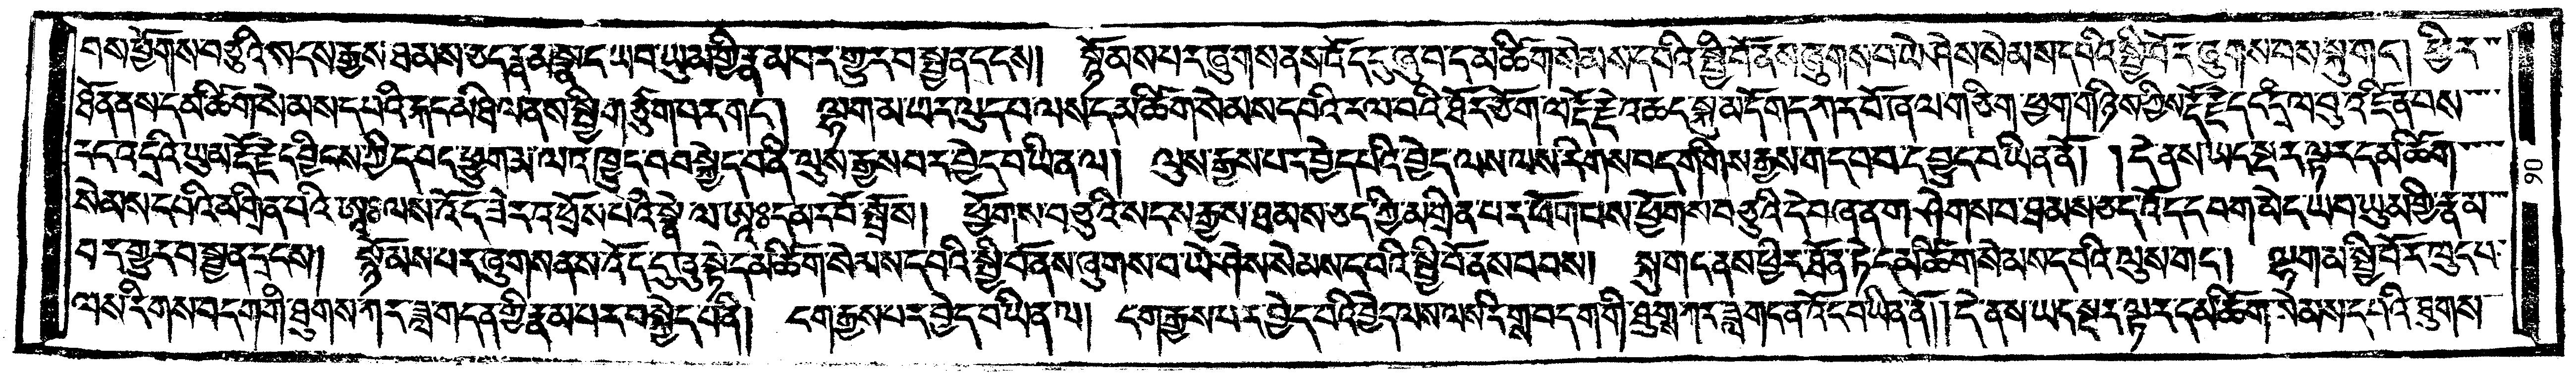བས་ཕྱོགས་བཅུའི་སངས་རྒྱས་ཐམས་ཅད་རྣམ་སྣང་ཡབ་ཡུམ་གྱི་རྣམ་བར་གྱུར་བ་སྤྱན་དངས། སྙོམས་པར་ཞུགས་ནས་འོད་དུ་ཞུ་བ་དམ་ཚིག་སེམས་དཔའི་སྤྱི་བོ་ནས་ཞུགས་པ་ཡེ་ཤེས་སེམས་དཔའི་སྤྱི་བོར་ཞུགས་བས་སྐུ་གང་། ཕྱིར་
ཐོན་ནས་དམ་ཚིག་སེམས་དཔའི་རྐང་མཐིལ་ནས་སྤྱི་གཙུག་པར་གང་། ལྷག་མ་ཡར་ལུད་པ་ལས་དམ་ཚིག་སེམས་དཔའི་རལ་བའི་ཐོར་ཅོག་ལ་རྡོ་རྗེ་འཆང་སྐུ་མདོག་དཀར་པོ་ཞལ་གཅིག་ཕྱག་གཉིས་ཀྱིས་རྡོ་རྗེ་དང་དྲིལ་བུ་འཛིན་པ་
རང་འདྲའི་ཡུམ་རྡོ་རྗེ་དབྱིངས་ཀྱི་དབང་ཕྱུག་མ་ལ་འཁྱུད་བ་བསྐྱེད་བ་ནི་ལུས་རྒྱས་བར་བྱེད་བ་ཡིན་ལ། ལུས་རྒྱས་པར་བྱེད་པའི་བྱེད་ལས་ལས་རིགས་བདག་གིས་རྒྱས་གདབ་བ་དབྱུང་བ་ཡིན་ནོ། །དེ་ནས་ཡང་སྔར་ལྟར་དམ་ཚིག་
སེམས་དཔའི་མགྲིན་པའི་ཨཱཿལས་འོད་ཟེར་འཕྲོས་པའི་སྣེ་ལ་ཨཱཿདམར་པོ་སྤྲོས། ཕྱོགས་བཅུའི་སངས་རྒྱས་ཐམས་ཅད་ཀྱི་མགྲིན་པར་ཕོག་པས་ཕྱོགས་བཅུའི་དེ་བཞིན་གཤེགས་པ་ཐམས་ཅད་འོད་དཔག་མེད་ཡབ་ཡུམ་གྱི་རྣམ་
པར་གྱུར་བ་སྤྱན་དྲངས། སྙོམས་པར་ཞུགས་ནས་འོད་དུ་ཞུ་སྟེ་དམ་ཚིག་སེམས་དཔའི་སྤྱི་བོ་ནས་ཞུགས་པ་ཡེ་ཤེས་སེམས་དཔའི་སྤྱི་བོ་ནས་བབས། སྐུ་གང་ནས་ཕྱིར་ཐོན་ཏེ་དམ་ཚིག་སེམས་དཔའི་ལུས་གང་། ལྷག་མ་སྤྱི་བོར་ལུང་པ་
ལས་རིགས་བདག་གི་ཐུགས་ཀར་ཟླ་གདན་གྱི་རྣམ་པར་བསྐྱེད་པ་ནི། ངག་རྒྱས་པར་བྱེད་པ་ཡིན་ལ། ངག་རྒྱས་པར་བྱེད་པའི་བྱེད་ལས་ལས་རིགས་བདག་གི་ཐུགས་ཀར་ཟླ་གདན་འོང་བ་ཡིན་ནོ། །དེ་ནས་ཡང་སྔར་ལྟར་དམ་ཚིག་སེམས་དཔའི་ཐུགས་